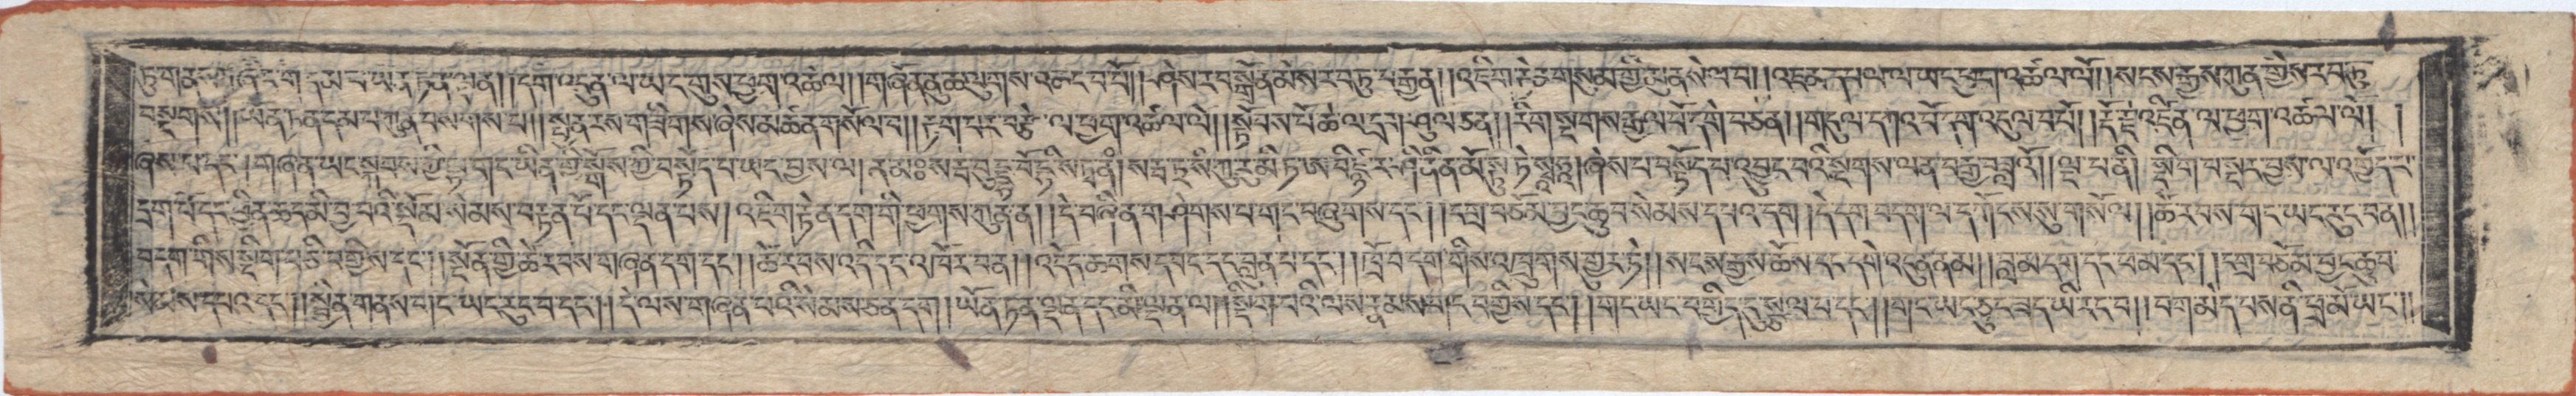ཏུ་གནས། །ཞིང་གི་དམ་པ་ཡོན་ཏན་ལྡན། །དགེ་འདུན་ལ་ཡང་གུས་ཕྱག་འཚལ། །གཞོན་ནུ་ཆ་ལུགས་འཆང་བ་པོ། །ཤེས་རབ་སྒྲོན་མེས་རབ་ཏུ་བརྒྱན། །འཇིག་རྟེན་གསུམ་གྱི་མུན་སེལ་བ། །འཇམ་དཔལ་ལ་ཡང་ཕྱག་འཚལ་ལོ། །སངས་རྒྱས་ཀུན་གྱིས་རབ་ཏུ་
བསྔགས། །ཡོན་ཏན་དམ་པ་ཀུན་བསགས་པ། །སྤྱན་རས་གཟིགས་ཞེས་མཚན་གསོལ་བ། །རྟག་པར་བརྩེ་ལ་ཕྱག་འཚལ་ལོ། །སྟོབས་པོ་ཆེ་ལ་དྲག་ཤུལ་ཅན། །རིག་སྔགས་རྒྱལ་པོ་དགེ་བ་ཅན། །གདུལ་དཀའ་པོ་དག་འདུལ་བ་པོ། །རྡོ་རྗེ་འཛིན་ལ་ཕྱག་འཚལ་ལོ། །
ཞེས་པ་དང་། གཞན་ཡང་སྐབས་ཀྱི་ལྷ་གང་ཡིན་གྱི་སྒོས་ཀྱི་བསྟོད་པ་ཡང་བྱས་ལ། ན་མཿ སརྦ་བུདྡྷ་བོ་དྷི་སཏྭ་ནཾ། སརྦ་ཏྲ་སཾ་ཀུ་རུ་མི་ཏ་ཨ་བིཛྙ་ར་ཤི་ནི་ན་མོ་སྟུ་ཏེ་སྭཱཧཱ། ཞེས་པ་བསྟོད་པ་འབྱུང་བའི་སྔགས་ལན་བརྒྱ་བཟླའོ། །ལྔ་པ་ནི། སྡིག་པ་སྔར་བྱས་ལ་འགྱོད་པ་
དྲག་པོ་དང་ཕྱིན་ཆད་མི་བྱ་བའི་སྡོམ་སེམས་བརྟན་པོ་དང་ལྡན་པས། འཇིག་རྟེན་དག་གི་ཕྱོགས་ཀུན་ན། །དེ་བཞིན་གཤེགས་པ་གང་བཞུགས་དང་། །དགྲ་བཅོམ་བྱང་ཆུབ་སེམས་དཔའ་དག །དེ་དག་བདག་ལ་དགོངས་སུ་གསོལ། །ཚེ་རབས་གང་ཡང་རུང་བ་ན། །
བདག་གིས་སྡིག་པ་ཅི་བགྱིས་དང་། །སྔོན་གྱི་ཚེ་རབས་གཞན་དག་དང་། །ཚེ་རབས་འདི་དང་འཁོར་བ་ན། །འདོད་ཆགས་དབང་དང་བླུན་པ་དང་། །ཁྲོ་བ་དག་གིས་འཁྲུགས་གྱུར་ཏེ། །སངས་རྒྱས་ཆོས་དང་དགེ་འདུན་ནམ། །བླ་མ་དག་དང་ཕ་མ་དང་། །དགྲ་བཅོམ་བྱང་ཆུབ་
སེམས་དཔའ་དང་། །སྦྱིན་གནས་གང་ཡང་རུང་བ་དང་། །དེ་ལས་གཞན་པའི་སེམས་ཅན་དག །ཡོན་ཏན་ལྡན་དང་མི་ལྡན་ལ། །སྡིག་པའི་ལས་རྣམས་གང་བགྱིས་དང་། །གང་ཡང་བགྱིད་དུ་སྩལ་བ་དང་། །གང་ཡང་ཅུང་ཟད་ཡི་རང་བ། །བག་མེད་པས་ནི་ཕྲ་མོ་ཡང་། །